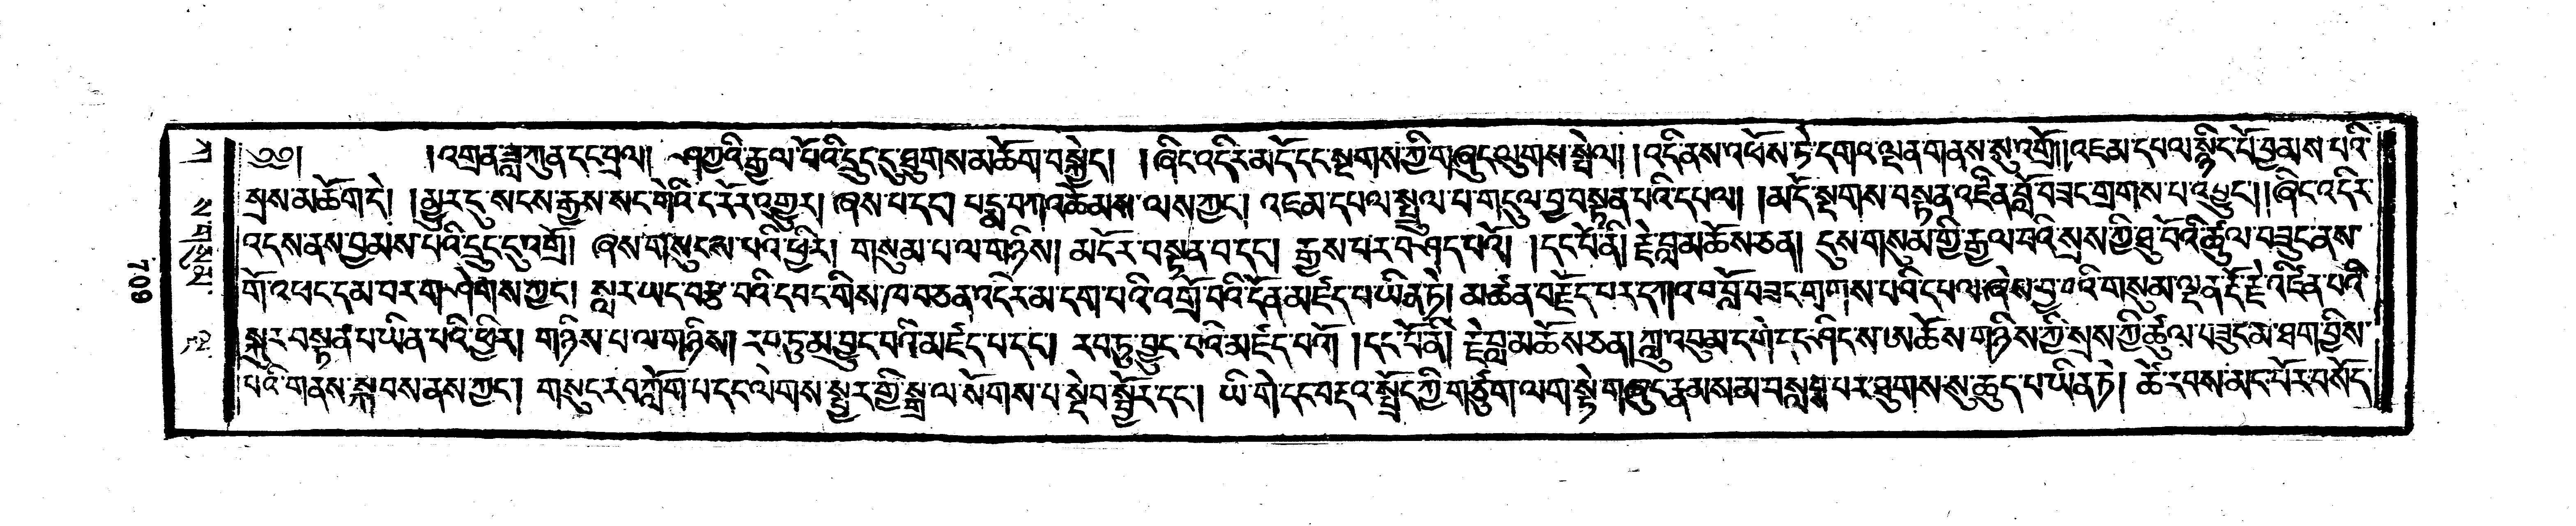༄༅། །འགྲན་ཟླ་ཀུན་དང་བྲལ། །ཤཱཀྱའི་རྒྱལ་པོའི་དྲུང་དུ་ཐུགས་མཆོག་བསྐྱེད། །ཞིང་འདིར་མདོ་དང་སྔགས་ཀྱི་གཞུང་ལུགས་སྤེལ། །འདི་ནས་འཕོས་ཏེ་དགའ་ལྡན་གནས་སུ་འགྲོ། །འཇམ་དཔལ་སྙིང་པོ་བྱམས་པའི་
སྲས་མཆོག་དེ། །མྱུར་དུ་སངས་རྒྱས་སེང་གེའི་ང་རོར་འགྱུར། ཞེས་པ་དང་། པདམ་བཀའ་ཆེམས་ལས་ཀྱང་། འཇམ་དཔལ་སྤྲུལ་པ་གདུལ་བྱ་བསྟན་པའི་དཔལ། །མདོ་སྔགས་བསྟན་འཛིན་བློ་བཟང་གྲགས་པ་འབྱུང་། །ཞིང་འདིར་
འདས་ནས་བྱམས་པའི་དྲུང་དུ་འགྲོ། ཞེས་གསུངས་པའི་ཕྱིར། གསུམ་པ་ལ་གཉིས། མདོར་བསྟན་པ་དང་། རྒྱས་པར་བཤད་པའོ། །དང་པོ་ནི། རྗེ་བླ་མ་ཆོས་ཅན། དུས་གསུམ་གྱི་རྒྱལ་བའི་སྲས་ཀྱི་ཐུ་བོའི་ཚུལ་བཟུང་ནས་
གོ་འཕང་དམ་པར་གཤེགས་ཀྱང་། སླར་ཡང་བརྩེ་བའི་དབང་གིས་ཁ་བ་ཅན་འདིར་མ་དག་པའི་འགྲོ་བའི་དོན་མཛད་པ་ཡིན་ཏེ། མཚན་བརྗོད་པར་དཀའ་བ་བློ་བཟང་གྲགས་པའི་དཔལ་ཞེས་བྱ་བའི་གསུམ་ལྡན་རྡོ་རྗེ་འཛིན་པའི་
སྐུར་བསྟན་པ་ཡིན་པའི་ཕྱིར། གཉིས་པ་ལ་གཉིས། རབ་ཏུ་མ་བྱུང་བའི་མཛད་པ་དང་། རབ་ཏུ་བྱུང་བའི་མཛད་པའོ། །དང་པོ་ནི། རྗེ་བླ་མ་ཆོས་ཅན། ཀླུ་འབུམ་དགེ་དང་ཤིང་ས་ཨ་ཆོས་གཉིས་ཀྱི་སྲས་ཀྱི་ཚུལ་བཟུང་མ་ཐག་བྱིས་
པའི་གནས་སྐབས་ནས་ཀྱང་། གསུང་རབ་ཀློག་པ་དང་ལེགས་སྦྱར་གྱི་སྒྲ་ལ་སོགས་པ་སྡེབ་སྦྱོར་དང་། ཡི་གེ་དང་བརྡའ་སྤྲོད་ཀྱི་གཙུག་ལག་སྟེ་གཞུང་རྣམས་མ་བསླབས་པར་ཐུགས་སུ་ཆུད་པ་ཡིན་ཏེ། ཚེ་རབས་མང་པོར་བསོད་